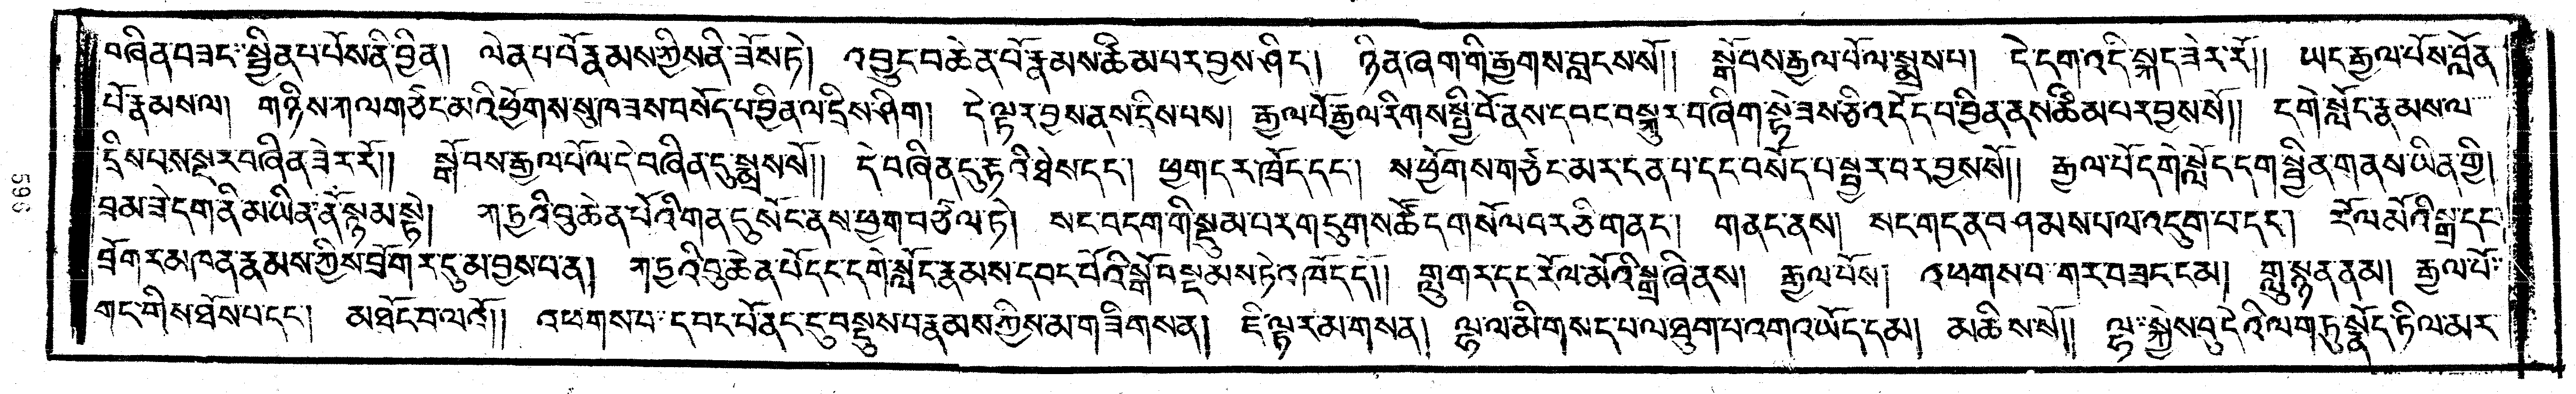བཞིན་བཟང༑ སྦྱིན་པ་པོས་ནི་བྱིན། ལེན་པ་པོ་རྣམས་ཀྱིས་ནི་ཟོས་ཏེ། འབྱུང་བ་ཆེན་པོ་རྣམས་ཚིམ་པར་བྱས་ཤིང་། ཉིན་ཞག་གི་རྒྱགས་བླངས་སོ།། སྒོ་བས་རྒྱལ་པོ་ལ་སྨྲས་པ། དེ་དག་འདི་སྐད་ཟེར་རོ།། ཡང་རྒྱལ་པོས་བློན་
པོ་རྣམས་ལ། གཉིས་ཀ་ལ་གཙང་མའི་ཕྱོགས་སུ་ཁ་ཟས་བསོད་པ་བྱིན་ལ་དྲིས་ཤིག། དེ་ལྟར་བྱས་ནས་དྲིས་པས། རྒྱལ་པོ་རྒྱལ་རིགས་སྦྱི་བོ་ནས་དབང་བསྐུར་བ་ཞིག་སྟེ་ཟས་ཅི་འདོད་པ་བྱིན་ནས་ཚིམ་པར་བྱས་སོ།། དགེ་སློང་རྣམས་ལ་
དྲིས་པས་སྔར་བཞིན་ཟེར་རོ།། སྒོ་བས་རྒྱལ་པོ་ལ་དེ་བཞིན་དུ་སྨྲས་སོ།། དེ་བཞིན་དུ་རྟའི་ཐེས་དང་། ཕྱག་དར་ཁྲོད་དང་། ས་ཕྱོགས་གཙང་མར་ངན་པ་དང་བསོད་བ་སྦྱར་བར་བྱས་སོ།། རྒྱལ་པོ་དགེ་སློང་དག་སྦྱིན་གནས་ཡིན་གྱི།
བྲམ་ཟེ་དག་ནི་མ་ཡིན་ནོ་སྙམ་སྟེ། ཀ་ཏྱའི་བུ་ཆེན་པོའི་གན་དུ་སོང་ནས་ཕྱག་བཙལ་ཏེ། སང་བདག་གི་སྡུམ་པར་གདུགས་ཚོད་གསོལ་བར་ཅི་གནང་། གནང་ནས། སང་གདན་བཤམས་པ་ལ་འདུག་པ་དང་། རོལ་མོའི་སྒྲ་དང་།
བྲོ་གར་མཁན་རྣམས་ཀྱིས་བྲོ་གར་དུ་མ་བྱས་པ་ན། ཀ་ཏྱའི་བུ་ཆེན་པོ་དང་དགེ་སློང་རྣམས་དབང་པོའི་སྒོ་བསྡམས་ཏེ་འཁོད་དོ།། གླུ་གར་དང་རོལ་མོའི་སྒྲ་ཞི་ནས། རྒྱལ་པོས། འཕགས་པ་གར་བཟང་ངམ། གླུ་སྙན་ནམ། རྒྱལ་པོ༑
གང་གིས་ཐོས་པ་དང་། མཐོང་བ་ལའོ།། འཕགས་པ༑ དབང་པོ་ནང་དུ་བསྡུས་པ་རྣམས་ཀྱིས་མ་གཟིགས་ན། ཇི་ལྟར་མ་གསན། ལྷ་ལ་མི་གསད་པ་ལ་ཐུག་པ་འགའ་ཡོད་དམ། མཆིས་སོ།། ལྷ༑ སྐྱེས་བུ་དེའི་ལག་ཏུ་སྣོད་ཏིལ་མར་